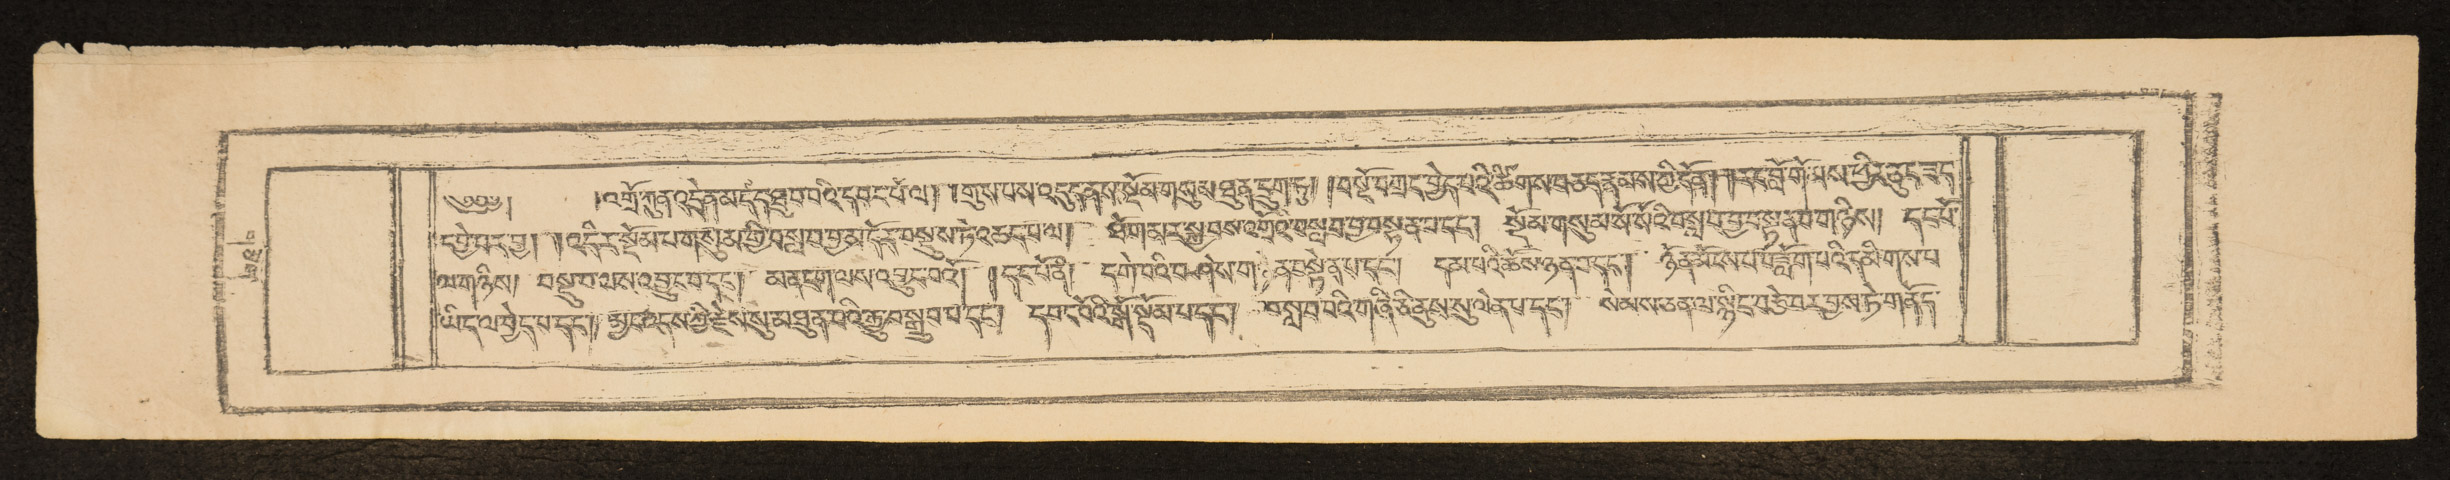༄༅༅། །འགྲོ་ཀུན་འདྲེན་མཛད་ཐུབ་པའི་དབང་པོ་ལ། །གུས་པས་འདུད་ནས་སྡོམ་གསུམ་ཐུན་དྲུག་ཏུ། །བསྔོ་བགྲང་བྱེད་པའི་ཚིགས་བཅད་རྣམས་ཀྱི་དོན། །རང་བློ་གོམས་ཕྱིར་ཅུང་ཟད་
དབྱེ་བར་བྱ། །འདིར་སྡོམ་པ་གསུམ་གྱི་བསླབ་བྱ་མདོར་བསྡུས་ཏེ་འཆད་པ་ལ། ཐོག་མར་སྐྱབས་འགྲོའི་བསླབ་བྱ་བསྟན་པ་དང་། སྡོམ་གསུམ་སོ་སོའི་བསླབ་བྱ་བསྟན་པ་གཉིས། དང་པོ་
ལ་གཉིས། བསྡུ་བ་ལས་འབྱུང་བ་དང་། མན་ངག་ལས་འབྱུང་བའོ། །དང་པོ་ནི། དགེ་བའི་བཤེས་གཉེན་བསྟེན་པ་དང་། དམ་པའི་ཆོས་ཉན་པ་དང་། ཉོན་མོངས་པ་བཟློག་པའི་དམིགས་པ་
ཡིད་ལ་བྱེད་པ་དང།། མྱང་འདས་ཀྱི་རྗེས་སུ་མཐུན་པའི་རྒྱུ་བསྒྲུབ་པ་དང་། དབང་པོའི་སྒོ་སྡོམ་པ་དང་། བསླབ་པའི་གཞི་ཅི་ནུས་སུ་ལེན་པ་དང་། སེམས་ཅན་ལ་སྙིང་བརྩེ་བར་བྱས་ཏེ་གནོད་